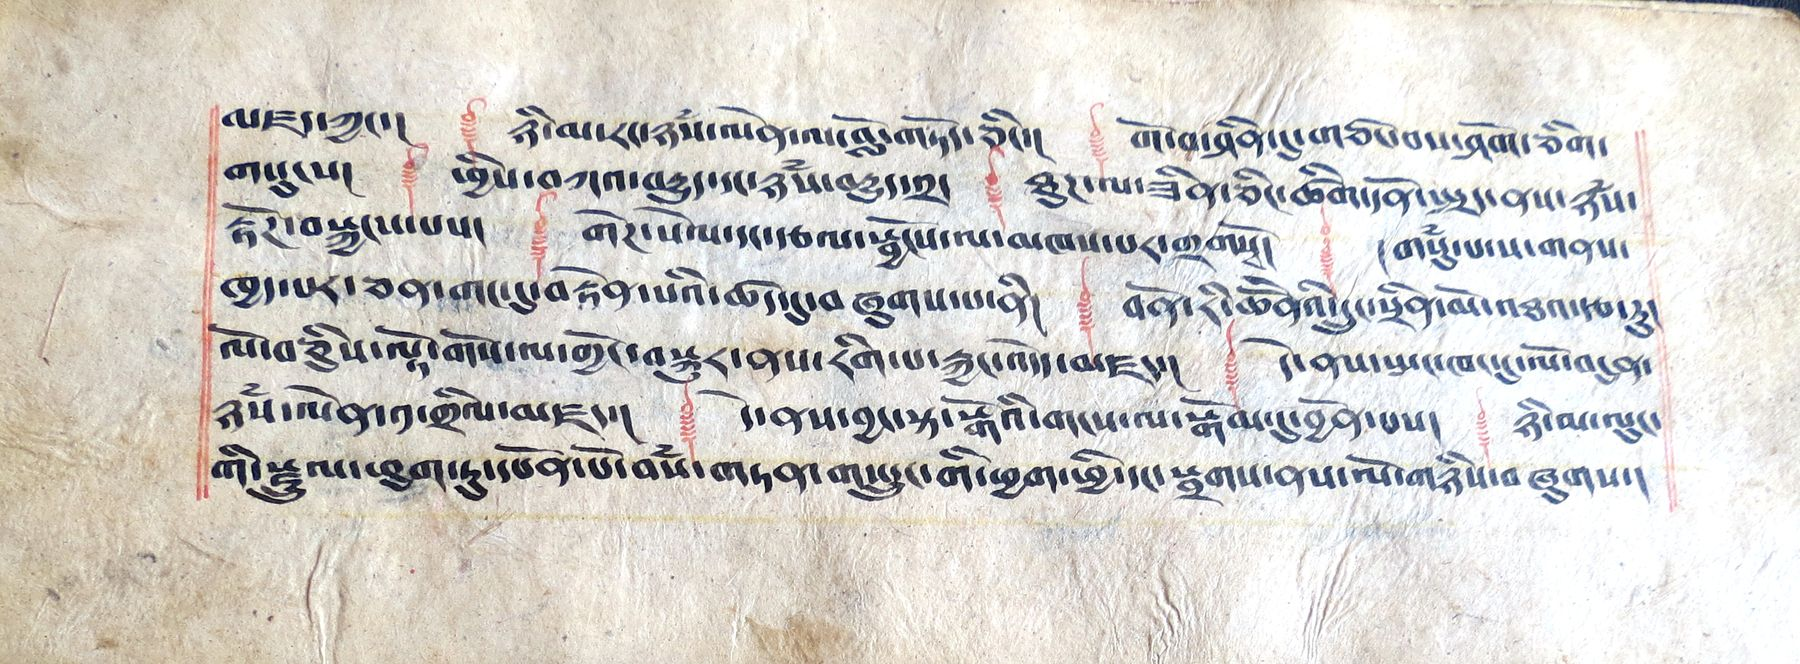མཛད་ཀྱང་། ཉི་མ་རང་ཉམས་ལེན་ལ་བློ་གཏོད་ཅིང་གོ་བ་ཤིན་ཏུ་གཙང་བས་ཤོག་ཅིག་
གསུངས། ཕྱིས་བཀའ་རྒྱུད་དང་ཉམས་རྒྱུད་གཉིས། ཐུགས་ལ་ཟིན་ཅིང་ཚིག་དོན་སྤྲད་ནས་ཉམས་
རྟོགས་བསྐྱངས་པས། གེགས་སེལ་དང་རྩལ་སྦྱངས་ལ་མཁས་པར་གྲགས་སོ། ། གསུམ་པ་ས་གནས་
ཁྱད་པར་ཅན་གང་དུ་བརྟེན་པའི་ཚད་དུ་བཞུགས་པ་ནི། བོན་རི་ཆེན་པོའི་དྲུང་སྲིན་མོ་མཐའ་རྩ་རུ། 
ལོ་བཅུ་གཉིས་ལྟོ་གོས་ལ་གྱོང་བསྐུར་ནས་རིག་པ་རྐྱང་འདེད་མཛད། དེ་ནས་སྤང་ཁང་དུ་ལོ་བདུན་
ཉམས་ལེན་གཅིག་དྲིལ་མཛད། དེ་ནས་བྱང་རྟ་སྒོའི་གངས་ལ་སྒོམ་དུ་བྱོན་པས། ཉི་མ་ལུང་
གི་རྫུ་འཕྲུལ་ཕུག་ཏུ་དབོན་པོ་བསམ་གཏན་གཡུང་དྲུང་གི་ཕྱག་ཕྱི་དང་སྦྲགས་ནས་ལོ་གཉིས་བཞུགས།